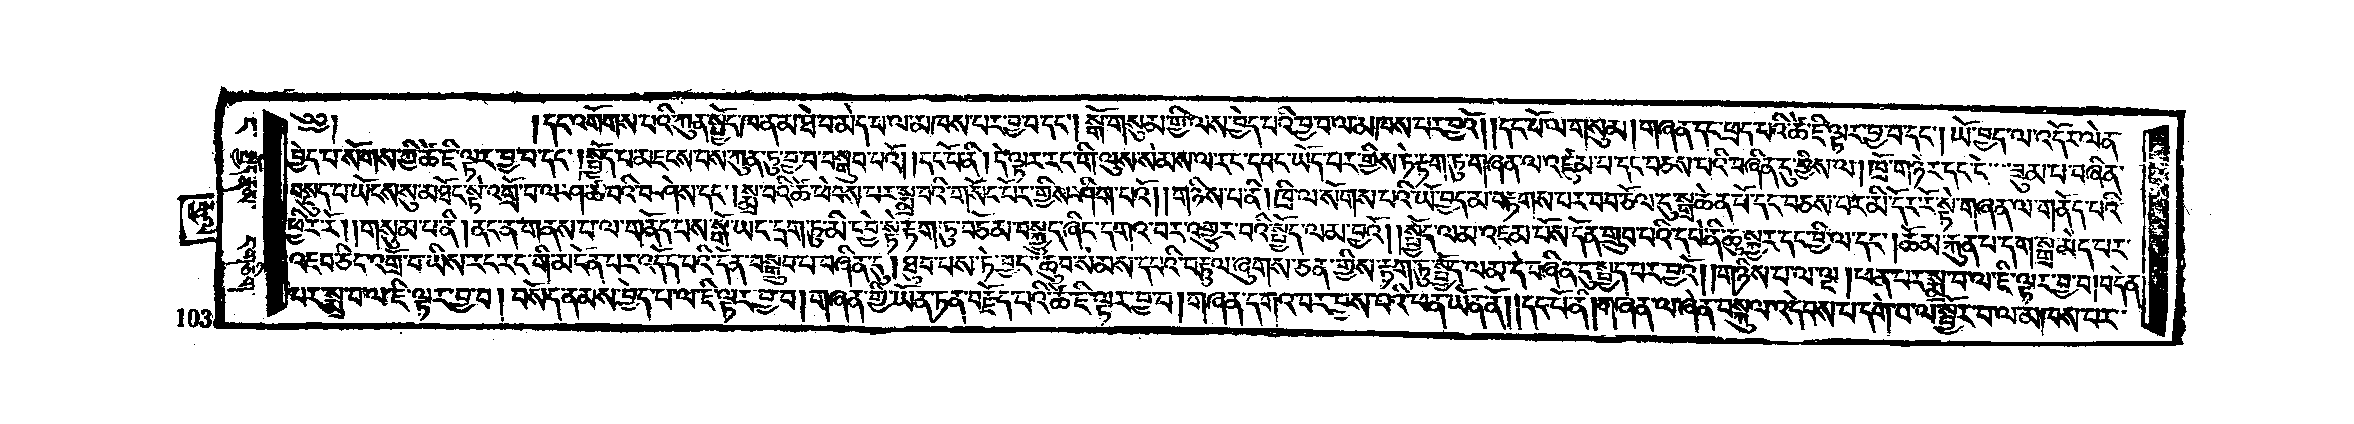༄༅། །དང་འགོགས་པའི་ཀུན་སྤྱོད་ཁ་ན་མ་ཐོ་བ་མེད་པ་ལ་མཁས་པར་བྱ་བ་དང་། སྒོ་གསུམ་གྱི་ལས་བྱེད་པའི་བྱ་བ་ལ་མཁས་པར་བྱའོ། །དང་པོ་ལ་གསུམ། གཞན་དང་ཕྲད་པའི་ཚེ་ཇི་ལྟར་བྱ་བ་དང་། ཡོ་བྱད་ལ་འདོར་ལེན་
བྱེད་པ་སོགས་ཀྱི་ཚེ་ཇི་ལྟར་བྱ་བ་དང་། སྤྱོད་པ་མཇངས་པས་ཀུན་ཏུ་བྱ་བ་བསྒྲུབ་པའོ། །དང་པོ་ནི། དེ་ལྟར་རང་གི་ལུས་སེམས་ལ་རང་དབང་ཡོད་པར་གྱིས་ཏེ་རྟག་ཏུ་གཞན་ལ་འཛུམ་པ་དང་བཅས་པའི་བཞིན་དུ་གྱིས་ལ། ཁྲོ་གཉེར་དང་དེ་ཟུམ་པ་བཞིན་
བསྡུད་པ་ཡོངས་སུ་མཐོང་སྟེ་འགྲོ་བ་ལ་ཤ་ཚ་བའི་བཤེས་དང་། སྨྲ་བའི་ཚེ་ཕེབས་པར་སྨྲ་བའི་གསོང་པོར་གྱིས་ཤིག་པའོ། །གཉིས་པ་ནི། ཁྲི་ལ་སོགས་པའི་ཡོ་བྱད་མ་བརྟགས་པར་བབ་ཅོལ་དུ་སྒྲ་ཆེན་པོ་དང་བཅས་པར་མི་དོར་རོ་སྟེ་གཞན་ལ་གནོད་པའི་
ཕྱིར་རོ། །གསུམ་པ་ནི། ནང་ན་གནས་པ་ལ་གནོད་པས་སྒོ་ཡང་དྲག་ཏུ་མི་དབྱེ་སྟེ་རྟག་ཏུ་བཅོམ་བསྐྱུད་ཞིང་དགའ་བར་འགྱུར་པའི་སྤྱོད་ལམ་བྱའོ། །སྤྱོད་ལམ་འཇམ་པོས་དོན་གྲུབ་པའི་དཔེ་ནི་ཆུ་སྐྱར་དང་བྱི་ལ་དང་། ཆོམ་རྐུན་པ་དག་སྒྲ་མེད་པར་
འཇབ་ཅིང་འགྲོ་བ་ཡིས་རང་རང་གི་མངོན་པར་འདོད་པའི་དོན་བསྒྲུབ་པ་བཞིན་དུ། ཐུབ་པས་ཏེ་བྱང་ཆུབ་སེམས་དཔའི་བརྟུལ་ཞུགས་ཅན་གྱིས་རྟག་ཏུ་སྤྱོད་ལམ་དེ་བཞིན་དུ་སྤྱད་པར་བྱའོ། །གཉིས་པ་ལ་ལྔ། ཕན་པར་སྨྲ་བ་ལ་ཇི་ལྟར་བྱ་བ། བདེན་
པར་སྨྲ་བ་ལ་ཇི་ལྟར་བྱ་བ། བསོད་ནམས་བྱེད་པ་ལ་ཇི་ལྟར་བྱ་བ། གཞན་གྱི་ཡོན་ཏན་བརྗོད་པའི་ཚེ་ཇི་ལྟར་བྱ་བ། གཞན་དགའ་བར་བྱས་པའི་ཕན་ཡོན་ནོ། །དང་པོ་ནི། གཞན་ལ་ཞེན་བསྐུལ་འདེབས་པ་དགེ་བ་ལ་སྦྱོར་བ་ལ་མཁས་པར་